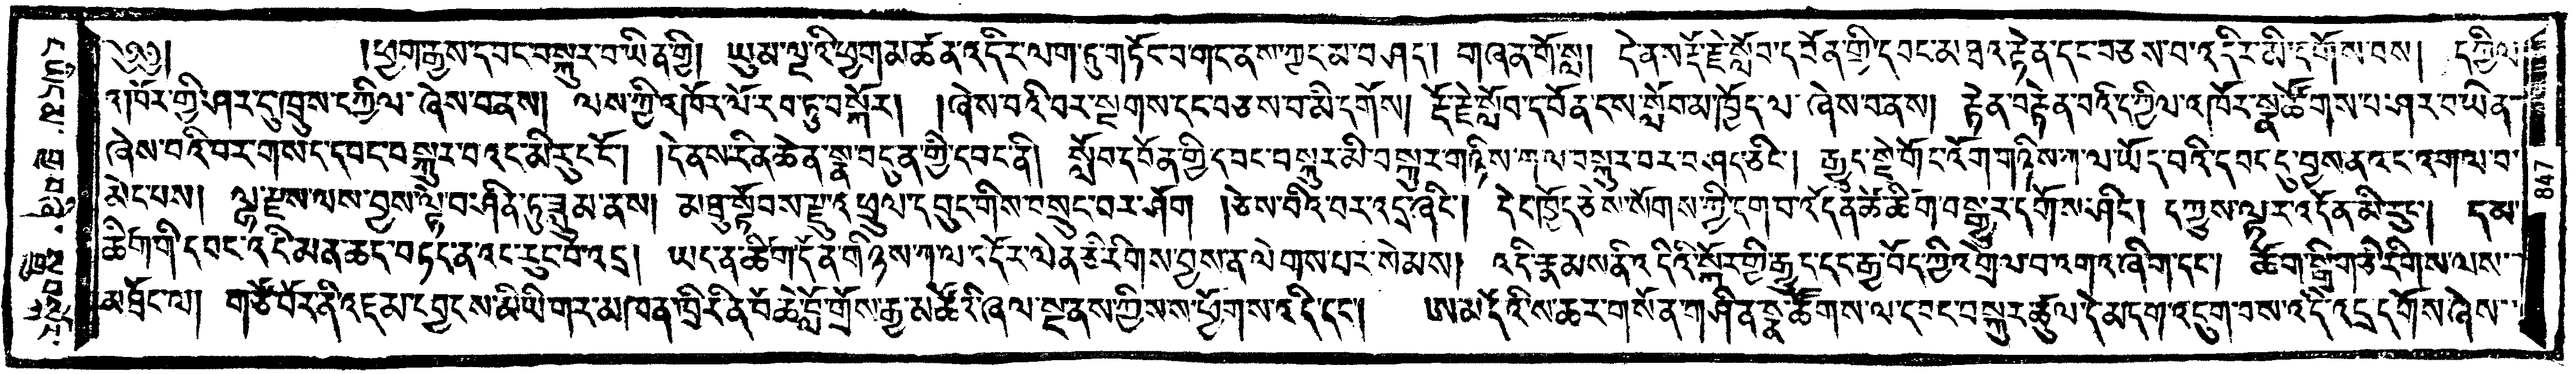༄༅། །ཕྱག་རྒྱས་དབང་བསྐུར་བ་ཡིན་གྱི། ཡུམ་ལྔའི་ཕྱག་མཚན་འདིར་ལག་ཏུ་གཏོང་བ་གང་ནས་ཁྱང་མ་བཤད། གཞན་གོ་སླ། དེ་ནས་རྡོ་རྗེ་སློབ་དཔོན་གྱི་དབང་མཐའ་རྟེན་དང་བཅས་བ་འདིར་མི་དགོས་བས། དཀྱིལ་
འཁོར་གྱི་ཤར་དུ་ཁྲུས་དཀྱིལ་ཞེས་བ་ནས། ལས་ཀྱི་འཁོར་ལོ་རབ་ཏུ་བསྐོར། །ཞེས་བའི་བར་སྔགས་དང་བཅས་པ་མི་དགོས། རྡོ་རྗེ་སློབ་དབོན་ངས་སློབ་མ་ཁྱོད་ལ་ཞེས་བ་ནས། རྟེན་བརྟེན་བའི་དཀྱིལ་འཁོར་སྣ་ཚོགས་བ་ཤར་བ་ཡིན་
ཞེས་བའི་བར་གསང་དབང་བསྐུར་བའང་མི་རུང་ངོ། །དེ་ནས་རིན་ཆེན་སྣ་བདུན་གྱི་དབང་ནི། སློབ་དཔོན་གྱི་དབང་བསྐུར་མི་བསྐུར་གཉིས་ཀ་ལ་བསྐུར་བར་བཤད་ཅིང་། རྒྱུད་སྡེ་གོང་འོག་གཉིས་ཀ་ལ་ཡོད་བའི་དབང་དུ་བྱས་ནའང་འགལ་བ་
མེད་པས། ལྷ་རྫས་ལས་བྱས་ལྟེ་བ་ཤིན་ཏུ་ཟླུམ་ནས། མཐུ་སྟོབས་རྫུ་འཕྲུལ་དབུང་གིས་བསྲུང་བར་ཤོག །ཅེས་བའི་བར་འདྲ་ཞིང་། དེང་ཁྱོད་ཅེས་སོགས་ཀྱི་དག་བ་འདོན་ཚེ་ཚིག་བསྒྱུར་དགོས་ཤིང་། དཀྱུས་ལྟར་འདོན་མི་རུང་། དམ་
ཚིག་གི་དབང་འདི་མན་ཆད་བཏང་ན་འང་རུང་བ་འདྲ། ཡང་ན་ཚིག་དོན་གཉིས་ཀ་ལ་འདོར་ལེན་ཅི་རིགས་བྱས་ན་ལེགས་པར་སེམས། འདི་རྣམས་ནི་འདིའི་སྐོར་གྱི་རྒྱུད་དང་རྒྱ་བོད་ཀྱི་འགྲེལ་བ་འགའ་ཞིག་དང་། ཆོག་སྒྲིག་ཅི་རིགས་ལས་
མཐོང་ལ། གཙོ་བོར་ནི་འཇམ་དབྱངས་མི་ཡི་གར་མཁན་ཁྲི་རིན་བོ་ཆེ་བློ་གྲོས་རྒྱ་མཚོའི་ཞལ་སྔ་ནས་ཀྱིས་ས་ཕྱོགས་འདི་དང་། ཨ་མདོའི་ས་ཆར་གསོན་གཤིན་སྣ་ཚོགས་ལ་དབང་བསྐུར་ཚུལ་དེ་མདག་འདུག་བས་འདི་འདྲ་དགོས་ཞེས་